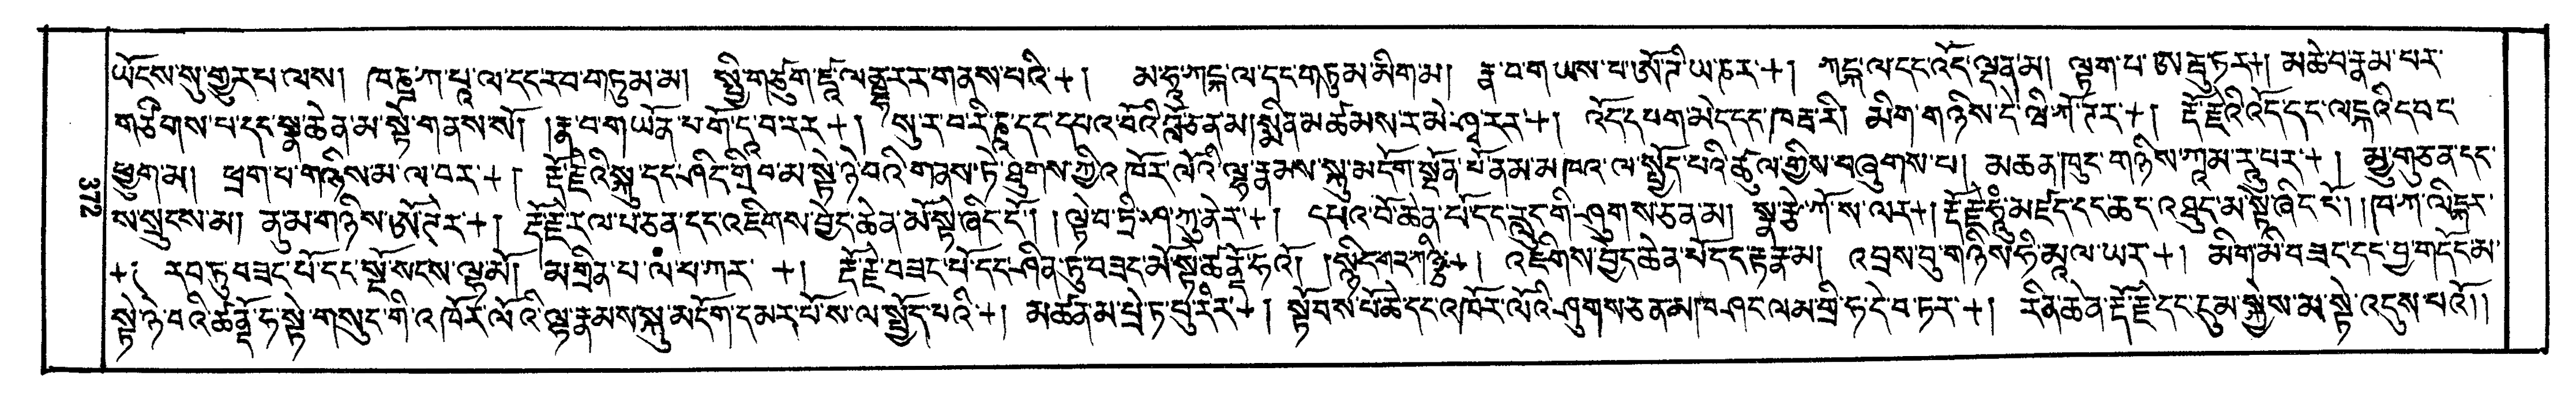ཡོངས་སུ་གྱུར་པ་ལས། ཁཎྜ་ཀ་པཱ་ལ་དང་རབ་གཏུམ་མ། སྤྱི་གཙུག་ཛཱ་ལནྡྷ་རར་གནས་པའི་+། མ་ཧཱ་ཀངྐ་ལ་དང་གཏུམ་མིག་མ། རྣ་བ་གཡས་བ་ཨོ་ཌེ་ཡ་ཎར་+། ཀངྐ་ལ་དང་འོད་ལྡན་མ། ལྟག་བ་ཨརྦུ་ཏ་ར་+། མཆེ་བ་རྣམ་བར་
གཙིགས་པ་དང་སྣ་ཆེན་མ་སྟེ་གནས་སོ། །རྣ་བ་གཡོན་པ་གཽ་དཱ་བ་རིར་+། སུ་ར་བ་རི་ཎཱ་དང་དབའ་བོའི་བློ་ཅན་མ། སྨིན་མཚམས་ར་མེ་ཤྭ་རི་ར་+། འོད་དཔག་མེད་དང་ཁརྦ་རི། མིག་གཉིས་དེ་ཝི་ཀོ་ཊིར་+། རྡོ་རྗེའི་འོད་དང་ལངྐའི་དབང་
ཕྱུག་མ། ཕྲག་པ་གཉིས་མཱ་ལ་བར་+། རྡོ་རྗེའི་སྐུ་དང་ཤིང་གྲིབ་མ་སྟེ་ཉེ་བའི་གནས་ཏེ་ཐུགས་ཀྱི་འཁོར་ལོའི་ལྷ་རྣམས་སྐུ་མདོག་སྔོན་པོ་ནམ་མཁའ་ལ་སྤྱོད་པའི་ཚུལ་གྱིས་བཞུགས་པ། མཆན་ཁུང་གཉིས་ཀཱ་མ་རཱུ་པར་+། མྱུ་གུ་ཅན་དང་
ས་སྲུངས་མ། ནུ་མ་གཉིས་ཨོ་ཊེར་+། རྡོ་རྗེ་རལ་པ་ཅན་དང་འཇིགས་བྱེད་ཆེན་མོ་སྟེ་ཞིང་ངོ། །ལྟེ་བ་ཏྲི་ཤ་ཀུ་ནེར་+། དཔའ་བོ་ཆེན་པོ་དང་རླུང་གི་ཤུགས་ཅན་མ། སྣ་རྩེ་ཀོ་ས་ལར་+། རྡོ་རྗེ་ཧཱུཾ་མཛད་དང་ཆང་འཐུང་མ་སྟེ་ཞིང་ངོ། །ཁ་ཀ་ལིངྐར་
+། རབ་ཏུ་བཟང་པོ་དང་སྔོ་སངས་ལྷ་མོ། མགྲིན་པ་ལཾ་པ་ཀར་+། རྡོ་རྗེ་བཟང་པོ་དང་ཤིན་ཏུ་བཟང་མོ་སྟེ་ཚནྡོ་ཧའོ། །སྙིང་ཀཉྩིར་+། འཇིགས་བྱེད་ཆེན་པོ་དང་རྟ་རྣམ། འབྲས་བུ་གཉིས་ཧི་མཱ་ལ་ཡར་+། མིག་མི་བཟང་དང་བྱ་གདོང་མ་
སྟེ་ཉེ་བའི་ཚནྡོ་ཧ་སྟེ་གསུང་གི་འཁོར་ལོའི་ལྷ་རྣམས་སྐུ་མདོག་དམར་པོ་ས་ལ་སྦྱོད་པའི་+། མཚན་མ་པྲེ་ཏ་པུ་རིར་+། སྟོབས་པོ་ཆེ་དང་འཁོར་ལོའི་ཤུགས་ཅན་མ། བཤང་ལམ་གྲི་ཧ་དེ་བ་ཧར་+། རིན་ཆེན་རྡོ་རྗེ་དང་དུ་མ་སྐྱེས་མ་སྟེ་འདུས་པའོ།།